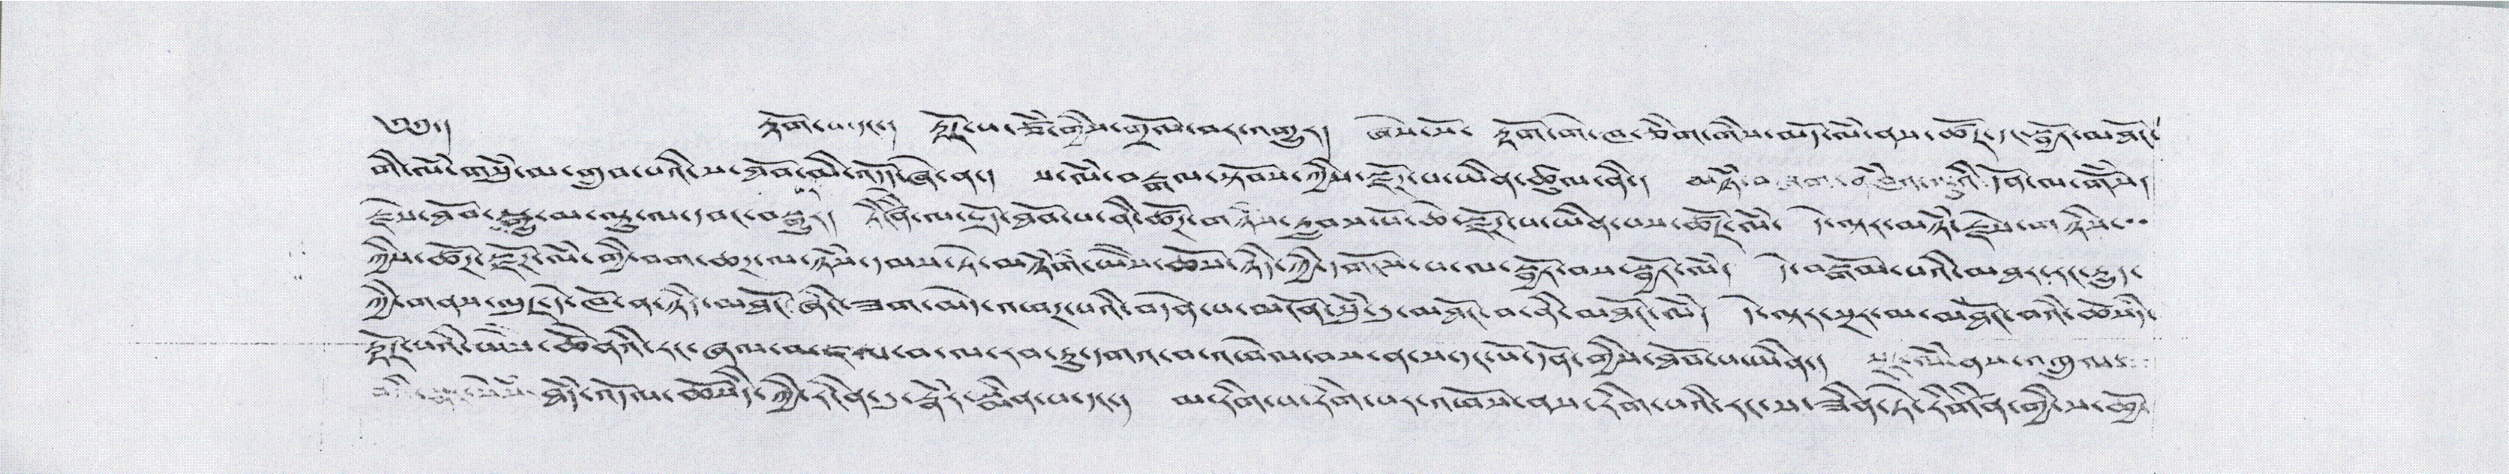རྟོག་པ་དང་། རྟོགས་པ་ཙམ་གྱིས་གྲོལ་བར་འགྱུར། ཞེས་སོ། རྟོག་གེ་ཁ་ཅིག་གིས་མདོ་ལམ་ནས་ཚོགས་དང་སྦྱོར་མཐོང་
གི་ལམ་གསུམ་མ་གྲུབ་པའི་ས་ཐོབ་པར་མི་འདོད་ཅེ་ན། ས་ལམ་བརྒལ་སྟོབས་ཀྱིས་རྫོགས་པ་ཡིན་ཚུལ་ནི། མཉམ་གཞག་ནམ་མཁའ་ལྟ་བུའི་དོན་ལ་གོམས། 
རྗེས་ཐོབ་སྒྱུ་མ་ལྟ་བུ་ལ་དབང་བསྒྱུར། ཏིང་འཛིན་ལ་དྲོད་ཐོབ་པ་ནི་ཚོགས་གཉིས་རླབས་པོ་ཆེ་རྫོགས་པ་ཡིན་པས་ཚོགས་ལམ། དེ་ལྟར་མཉམ་རྗེས་གཉིས་
ཀྱིས་ཚོགས་རྫོགས་ལམ་གྱི་བག་ཆགས་ལ་ཉམས་དམས་ཏེ་མཉམ་གཞག་ཡེ་ཤེས་ཆོས་ཉིད་ཀྱི་དགོངས་པ་ལ་སྦྱོར་བས་སྦྱོར་ལམ། དེ་བསྒོམ་པའི་མཐར་རང་རྒྱུད་
ཀྱི་གནས་ལུགས་དེ་ཁོ་ན་ཉིད་མཐོང་ཞིང་ཟག་མེད་འཕགས་པའི་བདེན་པ་མངོན་སུམ་དུ་མཐོང་བ་ནི་མཐོང་ལམ། དེ་ལྟར་སྔར་མ་མཐོང་བའི་ཆོས་ཉིད་
རྟོགས་པའི་ཡེ་ཤེས་ཆེན་པོའི་རང་ཞལ་མཇལ་བ་ལ་རབ་ཏུ་དགའ་བ་འཕེལ་བས་ན་ས་དང་པོ་དོན་གྱིས་ཐོབ་པ་ཡིན། སྔགས་ལམ་ནས་འཁྲུལ་
བའི་སྣང་སེམས་ཐམས་ཅད་འོད་གསལ་ཆོས་ཉིད་ཀྱི་རང་བཞིན་དུ་རྣམ་པར་སྨིན་པ་དང་། མ་རིག་པ་རིག་པར་འཕོས་ནས་རིག་པའི་རང་ས་ཟིན་ཏེ་རིག་འཛིན་གྱི་ས་མཆོག་